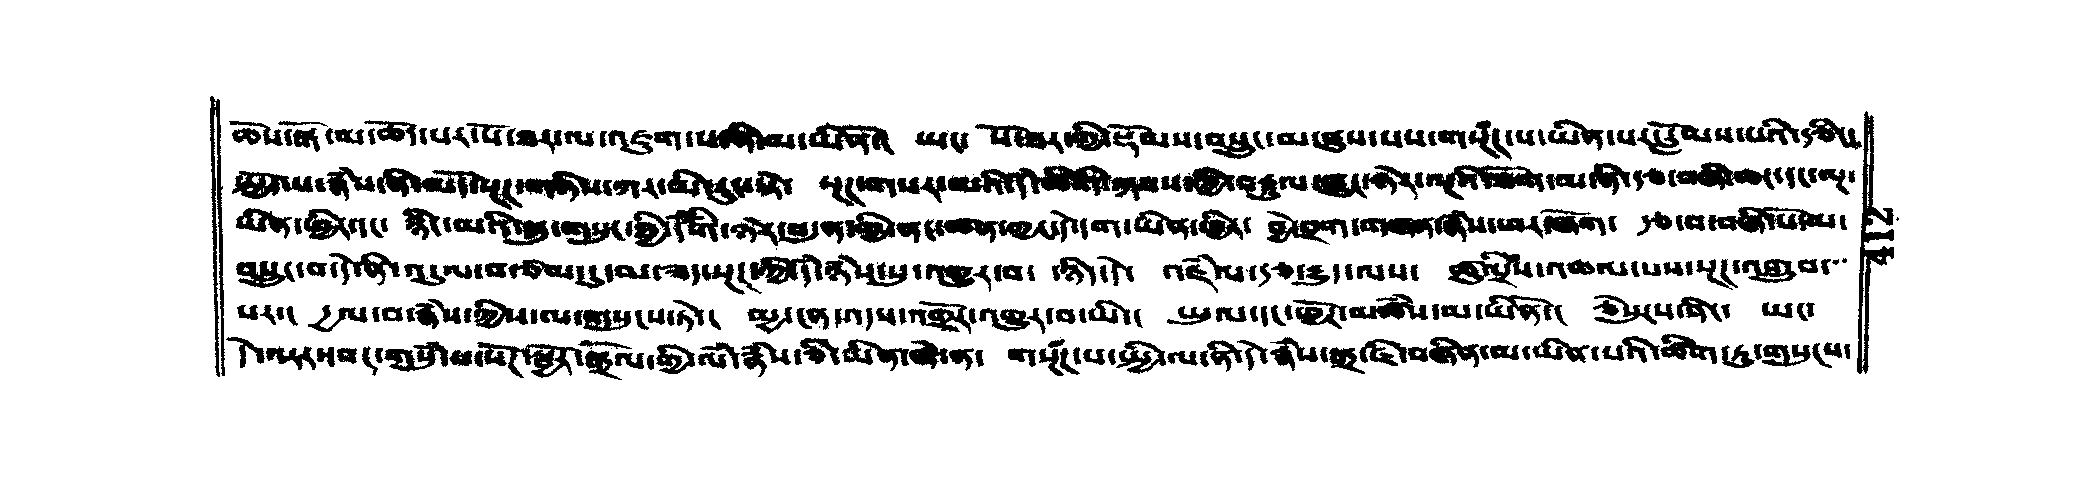ཆོས་སྒོ་མ་ཆོད་པར་སོ་ཐར་ལ་འཇུག་པ་ནི་མ་ཡིན་ནོ། ཡང་སོ་ཐར་གྱི་སྡོམ་པ་བསྲུང་མ་ནུས་པས་གསང་སྔགས་པ་ཡིན་པར་རློམས་པའི་རྩིང་
སྤྱོད་པ་རྣམས་ནི་མདོ་སྔགས་གཉིས་ཀར་མི་རུང་སྟེ། སྔགས་གསར་མའི་དམ་ཚིག་གི་སྐབས་ཀྱི་བརྟུལ་ཞུགས་ཉེར་ལྔའི་ཐོག་མ་ནི་རྩ་བཞི་ཆང་དང་ལྔ་
ཡིན་ཕྱིར་དང་། རྙིང་མའི་སྐུ་གསུང་ཐུགས་ཀྱི་དམ་ཚིག་ཉེར་བདུན་གྱི་ནང་ཚན་ཡང་དེ་དག་ཡིན་ཕྱིར། བྱེ་བྲག་གཞན་རྣམས་ཕར་ཞོག རྩ་བ་བཞི་པོ་མ་
བསྲུང་བ་དེ་ནི་འདུལ་བ་ཙམ་དུ་མ་ཟད་སྔགས་ཀྱི་དམ་ཉམས་སུ་འགྱུར་བ་ཉིད་དེ། འཇམ་དཔལ་རྩ་རྒྱུད་ལས། ཚུལ་ཁྲིམས་འཆལ་པས་སྔགས་འགྲུབ་
པར། །རྒྱལ་བ་རྣམས་ཀྱིས་མ་གསུངས་ཏེ། །མྱ་ངན་འདས་འགྲོར་འགྱུར་བ་ཡི། །ཡུལ་དང་ཕྱོགས་མཚམས་མ་ཡིན་ནོ། ཞེས་གསུངས་ཤིང་། ཡང་
དེ་ལྟར་དབང་གསུམ་པ་སོགས་སྦྱོར་སྒྲོལ་གྱི་ལམ་རྣམས་ཅི་ཡིན་ཞེ་ན། གསང་སྔགས་པ་སྤྱི་ལ་ནི་དེ་རྣམས་སྒྲ་ཇི་བཞིན་མ་ཡིན་པའི་ཚིག་ཏུ་གསུངས་